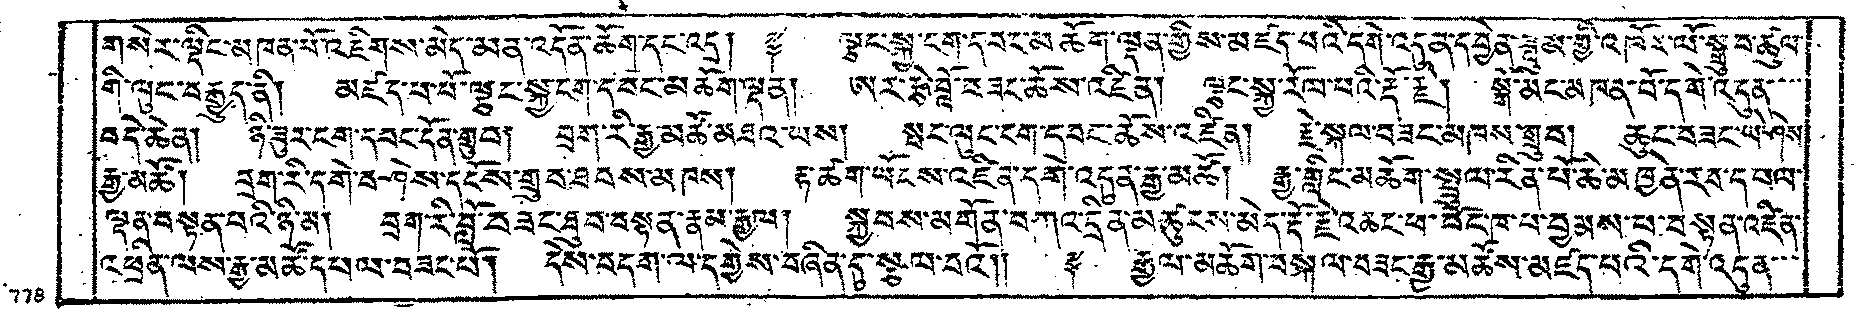གསེར་ལྡིང་མཁན་པོ་འཇིགས་མེད་མན་འདོན་ཆོག་དང་འདྲ། ༈ ལྕང་སྐྱ་ངག་དབང་མཆོག་ལྡན་གྱིས་མཛད་པའི་དགེ་འདུན་དབྱེན་ཟླུམ་གྱི་འཁོར་ལོ་སྒྲུབ་ཚུལ་
གི་ལུང་བརྒྱུད་ནི། མཛད་པ་པོ་ལྕང་སྐྱ་ངག་དབང་མཆོག་ལྡན། ཨར་རྩེ་བློ་བཟང་ཆོས་འཛིན། ལྕང་སྐྱ་རོལ་པའི་རྡོ་རྗེ། སྒོ་མང་མཁན་པོ་དགེ་འདུན་
བདེ་ཆེན། ཉི་ཟུར་ངག་དབང་དོན་གྲུབ། བྲག་རི་རྒྱ་མཚོ་མཐའ་ཡས། སྤང་ལུང་ངག་དབང་ཆོས་འཛིན། རྗེ་སྐལ་བཟང་མཁས་གྲུབ། ཆུང་བཟང་ཡེ་ཤེས་
རྒྱ་མཚོ། བྲག་རི་དགེ་བཤེས་དངོས་གྲུབ་ཐབས་མཁས། རྟ་ཚག་ཡོངས་འཛིན་དགེ་འདུན་རྒྱ་མཚོ། རྒྱ་གླིང་མཆོག་སྤྲུལ་རིན་པོ་ཆེ་མཁྱེན་རབ་དཔལ་
ལྡན་བསྟན་པའི་ཉི་མ། བྲག་རི་བློ་བཟང་ཐུབ་བསྟན་རྣམ་རྒྱལ། སྐྱབས་མགོན་བཀའ་དྲིན་མཚུངས་མེད་རྡོ་རྗེ་འཆང་ཕ་བོང་ཁ་པ་བྱམས་པ་བསྟན་འཛིན་
འཕྲིན་ལས་རྒྱ་མཚོ་དཔལ་བཟང་པོ། དེས་བདག་ལ་དགྱེས་བཞིན་དུ་སྩལ་བའོ།། ༈ རྒྱལ་མཆོག་བསྐལ་བཟང་རྒྱ་མཚོས་མཛད་པའི་དགེ་འདུན་